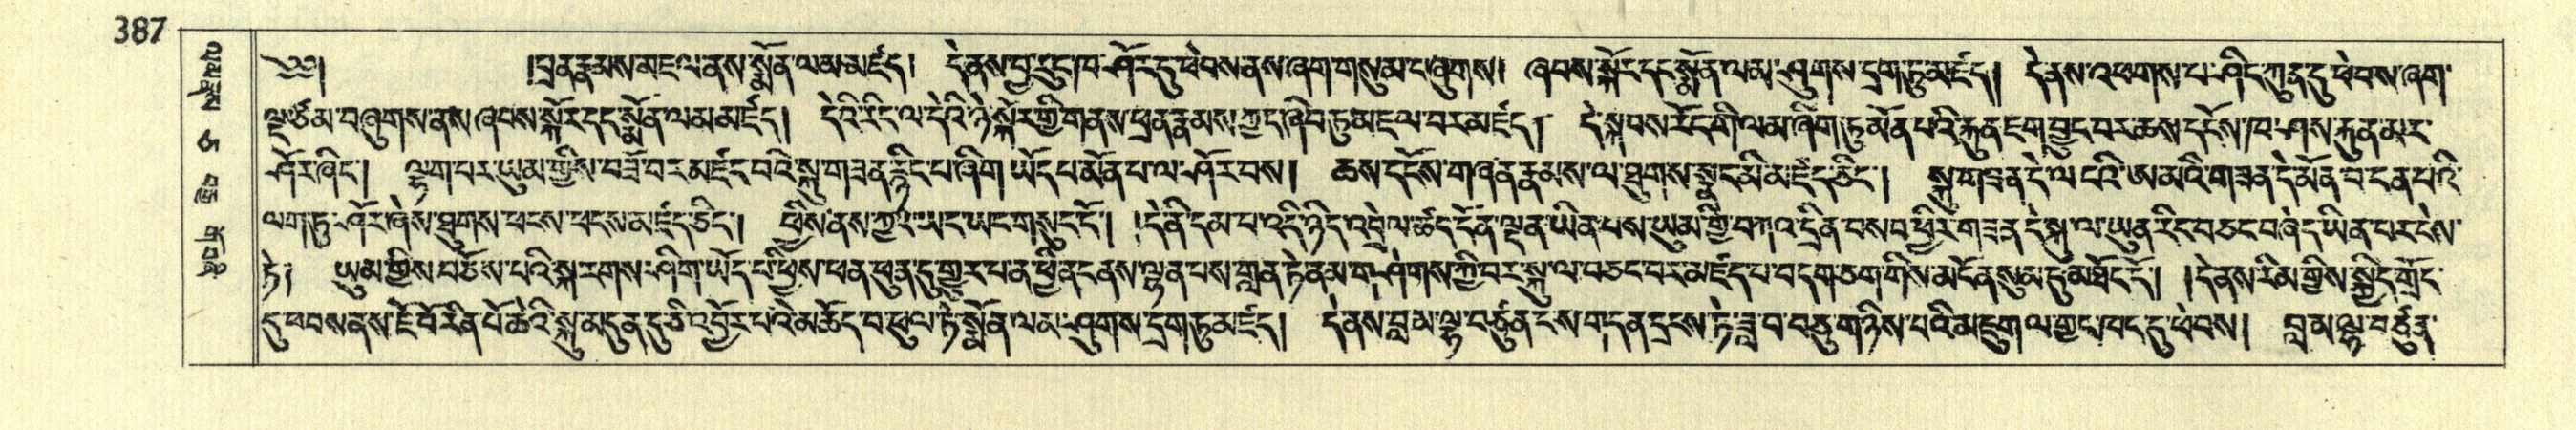༄༅། །བྲན་རྣམས་མཇལ་ནས་སྨོན་ལམ་མཛད། དེ་ནས་བྱ་རུང་ཁ་ཤོར་དུ་ཕེབས་ནས་ཞག་གསུམ་པ་ཞུགས། ཞབས་སྐོར་དང་སྨོན་ལམ་ཤུགས་དྲག་ཏུ་མཛད། དེ་ནས་འཕགས་པ་ཤིང་ཀུན་དུ་ཕེབས་ཞག་
ལྔ་ཙམ་བཞུགས་ནས་ཞབས་སྐོར་དང་སྨོན་ལམ་མཛད། དེའི་རིང་ལ་དེའི་ཉེ་སྐོར་གྱི་གནས་ཕྲན་རྣམས་ཀྱང་ཞིབ་ཏུ་མཇལ་བར་མཛད། དེ་སྐབས་རོང་གི་ལམ་ཞིག་ཏུ་མོན་པའི་རྐུན་ཇག་བྱུང་བར་ཆས་དངོས་ཁ་ཤས་རྐུན་མར་
ཤོར་ཞིང་། ལྷག་པར་ཡུམ་གྱིས་བཟོ་བར་མཛད་བའི་སྐུ་གཟན་རྙིང་པ་ཞིག་ཡོད་པ་མོན་པ་ལ་ཤོར་བས། ཆས་དངོས་གཞན་རྣམས་ལ་ཐུགས་སྣང་མི་མཛད་ཅིང་། སྐུ་གཟན་དེ་ལྔའི་ཨ་མའི་གཟན་དེ་མོན་བ་ངན་པའི་
ལག་ཏུ་ཤོར་ཞེས་ཐུགས་ཕངས་ཕངས་མཛད་ཅིང་། ཕྱིས་ནས་ཀྱང་ཡང་ཡང་གསུང་ངོ། །དེ་ནི་དམ་པ་འདི་ཉིད་འབྲེལ་ཚད་དོན་ལྡན་ཡིན་པས་ཡུམ་གྱི་བཀའ་དྲིན་བསབ་ཕྱིར་གཟན་དེ་སྐུ་ལ་ཡུན་རིང་བཅང་བཞེད་ཡིན་པར་ངེས་
ཏེ༑ ཡུམ་གྱིས་བཅོས་པའི་སྐ་རགས་ཤིག་ཡོད་པ་ཕྱིས་ཕན་ཕུན་དུ་གྱུར་པ་ན་ཕྱི་ནང་ནས་ལྷན་པས་གླང་ཏེ་ནམ་གཤེགས་ཀྱི་བར་སྐུ་ལ་བཅང་བར་མཛད་པ་བདག་ཅག་གིས་མངོན་སུམ་དུ་མཐོང་དོ། །དེ་ནས་རིམ་གྱིས་སྐྱིད་གྲོང་
དུ་ཕབས་ནས་ཇོ་བོ་རིན་པོ་ཆེའི་སྐུ་མདུན་དུ་ཅི་འབྱོར་པའི་མཆོད་བ་ཕུལ་ཏེ་སྨོན་ལམ་ཤུགས་དྲག་ཏུ་མཛད། དེ་ནས་བླ་མ་ལྷ་བཙུན་ངས་གདན་དྲངས་ཏེ་ཟླ་བ་བཅུ་གཉིས་པའི་མཇུག་ལ་གྱང་ཁང་དུ་ཕེབས། བླ་མ་ལྷ་བཙུན་